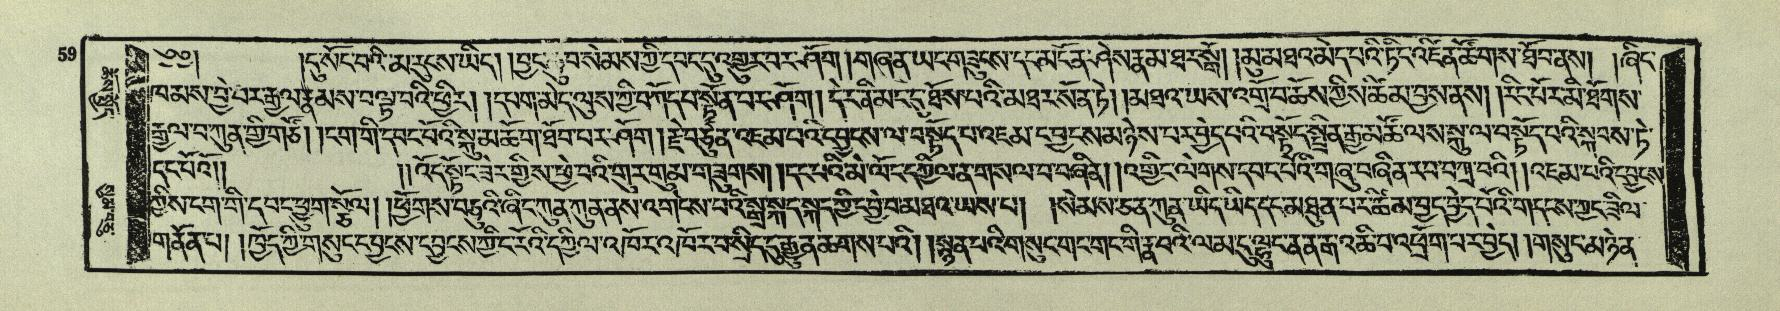༄༅། །དུ་སོང་བའི་མ་རུངས་ཡིད། །བྱང་ཆུབ་སེམས་ཀྱི་དབང་དུ་འགྱུར་བར་ཤོག །གཞན་ཡང་གཟུངས་དང་མངོན་ཤེས་རྣམ་ཐར་སྒོ། །མུ་མཐའ་མེད་པའི་ཏིང་འཛིན་ཚོགས་ཐོབ་ནས། །ཞིང་
ཁམས་བྱེ་བར་གྱལ་རྣམས་བལྟ་བའི་ཕྱིར། །དཔག་མེད་ལུས་ཀྱི་བཀོད་པ་སྟོན་པར་ཤོག །དེར་ནི་མང་དུ་ཐོས་པའི་མཐར་སོན་ཏེ། །མཐའ་ཡས་འགྲོ་བ་ཆོས་ཀྱིས་ཚི་མ་བྱས་ནས། །རིང་པོར་མི་ཐོགས་
རྒྱལ་བ་ཀུན་གྱི་གཙོ། །ངག་གི་དབང་པོའི་སྐུ་མཆོག་ཐོབ་པར་ཤོག །རྗེ་བཙུན་འཇམ་པའི་དབྱངས་ལ་བསྟོད་པ་འཇམ་དབྱངས་མཉེས་པར་བྱེད་པའི་བསྟོད་སྤྲིན་རྒྱ་མཚོ་ལས་སྐུ་ལ་བསྟོད་པའི་སྐབས་ཏེ་
དང་པོའོ།། །།འོད་སྟོང་ཟེར་གྱིས་ཕྱེ་བའི་གུར་གུམ་གཟུགས། །དང་པའི་མེ་ལོང་དཀྱིལ་ན་གསལ་བ་བཞིན། །འགྱིང་ལེགས་དབང་པོའི་གཞུ་བཞིན་རབ་བཀྲ་བའི། །འཇམ་པའི་དབྱངས་
ཀྱིས་ངག་གི་དབང་ཕྱུག་སྩོལ། །ཕྱོགས་བཅུའི་ཞིང་ཀུན་ཀུན་ནས་འགེངས་པའི་སྒྲ་སྐད་ཀྱི་དབྱེ་བ་མཐའ་ཡས་པ། །སེམས་ཅན་ཀུན་ཡིད་ཡིད་དང་མཐུན་པར་ཚིམ་བྱད་བྱེད་པོའི་གདངས་ཀྱང་ཟིལ་
གནོན་པ། །ཁྱོད་ཀྱི་གསུང་དབྱངས་དབྱངས་ཀྱི་ང་རོའི་དཀྱིལ་འཁོར་འཁོར་བ་སྲིད་དུ་རྒྱུན་ཆགས་པའི། །སྙན་པའི་གསུང་གང་གང་གི་རྣ་བའི་ལམ་དུ་ལྷུང་ན་ན་རྒ་འཆི་བ་འཕྲོག་པར་བྱེད། །གསུང་མཉེན་